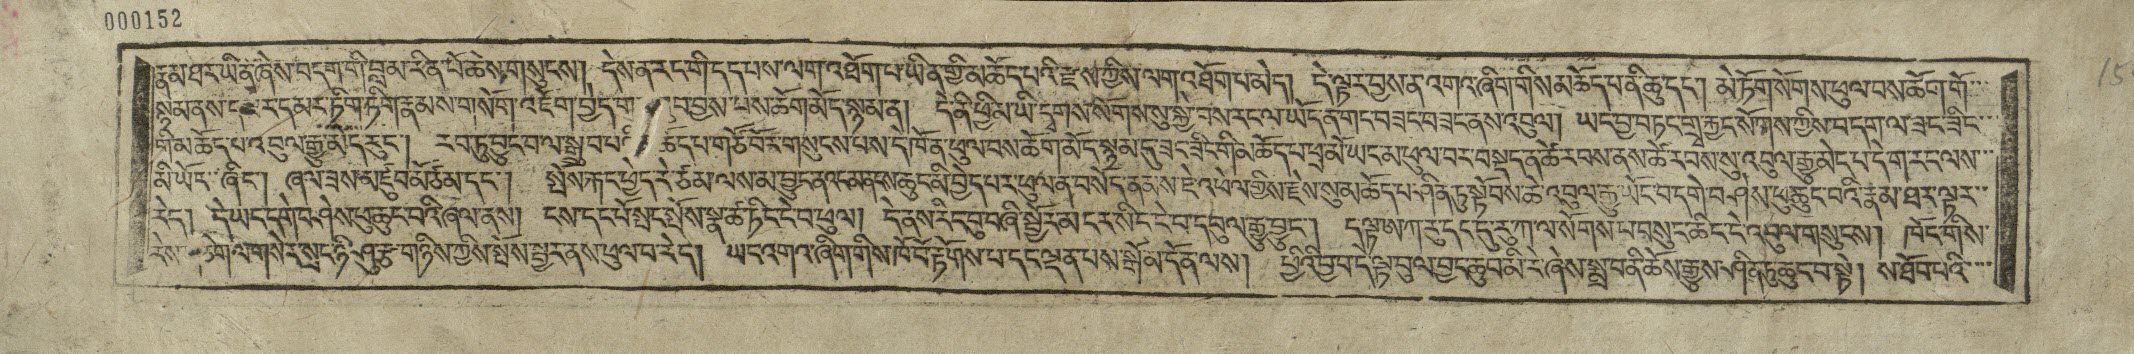རྣམ་ཐར་ཡིན་ཞེས་བདག་གི་བལ་མ་རིན་པོ་ཆེས་གསུངས། དེས་ན་རང་གི་དད་པས་ལག་འཐོག་པ་ཡིན་གྱི་མཆོད་པའི་རྫས་ཀྱིས་ལག་འཐོག་པ་མེད། དེ་ལྟར་བྱས་ན་འགའ་ཞིག་གིས་མཆོད་པ་ནི་ཆུ་དང་། མེ་ཏོག་སོགས་ཕུལ་བ་ཆོག་གོ་
སྙམ་ནས་དམར་དམར་ཏིག་ཏིག་རྣམས་གསོག་འཇོག་བྱེད་གང་ཐུབ་བྱས་པས་ཆོག་མོད་སྙམ་ན། དེ་ནི་ཕྱི་མ་ཡི་དྭགས་སོགས་སུ་ཀྱེ་བས་རང་ལ་ཡོད་ན་གང་བཟང་བཟང་ནས་འབུལ། ཡང་བྱ་བཏང་གྲྭ་རྐྱང་སོགས་ཀྱིས་བདག་ལ་ཟང་ཟིང་
གི་མཆོད་པ་འབུལ་རྒྱུ་མེད་རུང་། རབ་ཏུ་བྱུང་བ་ལ་སྒྲུབ་པའི་མཆོད་པ་གཙོ་པོར་གསུངས་པས་དེ་ཁོ་ན་ཕུལ་བས་ཆོག་མོད་སྙམ་དུ་ཟང་ཟིང་གི་མཆོད་པ་ཕྲ་མོ་ཡང་མ་ཕུལ་བར་བསྡད་ན་ཚེ་རབས་ནས་ཚེ་རབས་སུ་འབུལ་རྒྱུ་མེད་པ་དེ་ག་རང་ལས་
མི་ཡོང་ཞིང་། ཞལ་ཟས་མཛུབ་མོ་ཙམ་དང་། སྤོས་རྐང་ཕྱེད་རེ་ཙམ་ལས་མ་བྱུང་ནའང་མནངས་ཆུང་མི་བྱེད་པར་ཕུལ་ན་བསོད་ནམས་ཇེ་འཕེལ་གྱིས་རྗེས་སུ་མཆོད་པ་ཤིན་ཏུ་སྟོབས་ཆེ་འབུལ་རྒྱུ་ཡོང་བ་དགེ་བཤེས་ཕུ་ཆུང་བའི་རྣམ་ཐར་ལྟར་
རེད། དེ་ཡང་དགེ་བཤེས་ཕུ་ཆུང་བའི་ཞལ་ནས། ངས་དང་པོ་སྤང་སྤོས་སྣ་ཚ་ཏིང་ངེ་བ་ཕུལ། དེ་ནས་རིང་བུ་བཞི་སྦྱོར་མངར་སོང་ངེ་བ་དབུལ་རྒྱུ་བྱུང་། ད་ལྟ་ཨ་ཀ་རུ་དང་དུ་རུ་ཀ་ལ་སོགས་པ་བསུང་ཆིང་ངེ་འབུལ་གསུངས། ཁོང་གིས་
རེས་གཅིག་ལ་གསེར་སྲང་ཉི་ཤུ་རྩ་གཉིས་ཀྱིས་སྤོས་སྦྱོར་ནས་ཕུལ་བ་རེད། ཡང་འགའ་ཞིག་གིས་ཁོ་བོ་རྟོགས་པ་དང་ལྡན་པས་སྒོམ་དོན་ལས། ཕྱིའི་བྱ་བ་དེ་ལྟ་བུ་ལ་བྱང་ཆུབ་མི་རེ་ཞེས་སྨྲ་བ་ནི་ཆོས་རྒྱུས་ཤིན་ཏུ་ཆུང་བ་སྟེ། ས་ཐོབ་པའི་